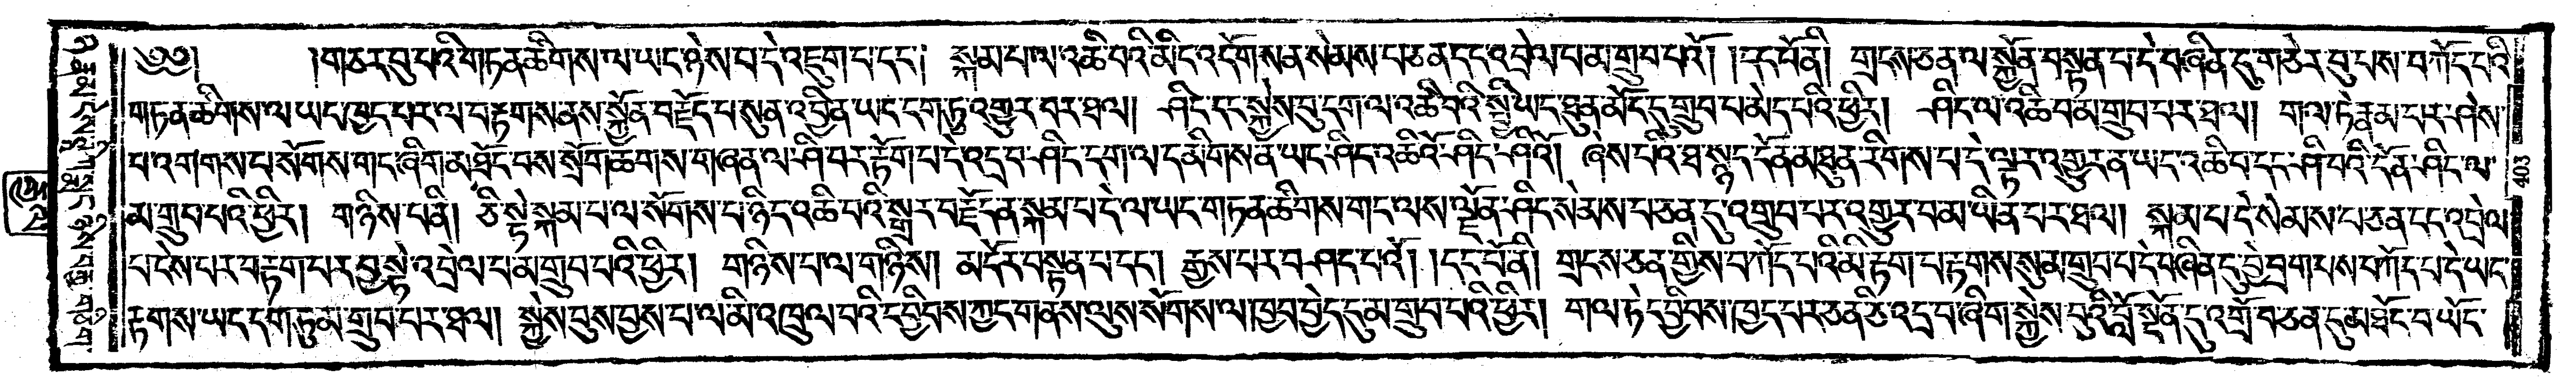༄༅། །གཅར་བུ་པའི་གཏན་ཚིགས་ལ་ཡང་ཉེས་པ་དེ་འཇུག་པ་དང་། སྐམ་པ་ལ་འཆི་བའི་མིང་འདོགས་ན་སེམས་པ་ཅན་དང་འབྲེལ་པ་མ་གྲུབ་པའོ། །དང་པོ་ནི། གྲངས་ཅན་ལ་སྐྱོན་བསྟན་པ་དེ་བཞིན་དུ་གཅེར་བུ་པས་བཀོད་པའི་
གཏན་ཚིགས་ལ་ཡང་ཁྱད་པར་ལ་བརྟགས་ནས་སྐྱོན་བརྗོད་པ་སུན་འབྱིན་ཡང་དག་ཏུ་འགྱུར་བར་ཐལ། ཤིང་དང་སྐྱེས་བུ་དག་ལ་འཆི་བའི་སྤྱི་ཡང་ཐུན་མོང་དུ་གྲུབ་པ་མེད་པའི་ཕྱིར། ཤིང་ལ་འཆི་བ་མ་གྲུབ་པར་ཐལ། གལ་ཏེ་རྣམ་པར་ཤེས་
པ་འགགས་པ་སོགས་གང་ཞིག་མཐོང་བས་སྲོག་ཆགས་གཞན་ལ་ཤི་བར་རྟོག་པ་དེ་འདྲ་བ་ཤིང་དག་ལ་དམིགས་ན་ཡང་ཤིང་འཆིའོ་ཤིང་ཤིའོ། ཞེས་པའི་ཐ་སྙད་དོན་མཐུན་རིགས་པ་དེ་ལྟར་འགྱུར་ན་ཡང་འཆི་བ་དང་ཤི་བའི་དོན་ཤིང་ལ་
མ་གྲུབ་པའི་ཕྱིར། གཉིས་པ་ནི། ཅི་སྟེ་སྐམ་པ་ལ་སོགས་པ་ཉིད་འཆི་བའི་སྒྲར་བརྗོད་ན་སྐམ་པ་དེ་ལ་ཡང་གཏན་ཚིགས་གང་ལས་ལྗོན་ཤིང་སེམས་པ་ཅན་དུ་འགྲུབ་པར་འགྱུར་བ་མ་ཡིན་པར་ཐལ། སྐམ་པ་དེ་སེམས་པ་ཅན་དང་འབྲེལ་
པ་ངེས་པར་བརྟག་པར་བྱ་སྟེ་འབྲེལ་པ་མ་གྲུབ་པའི་ཕྱིར། གཉིས་པ་ལ་གཉིས། མདོར་བསྟན་པ་དང་། རྒྱས་པར་བཤད་པའོ། །དང་པོ་ནི། གྲངས་ཅན་གྱིས་བཀོད་པའི་མི་རྟག་པ་རྟགས་སུ་མ་གྲུབ་པ་དེ་བཞིན་དུ་བྱེ་བྲག་པས་བཀོད་པ་དེ་ཡང་
རྟགས་ཡང་དག་ཏུ་མ་གྲུབ་པར་ཐལ། སྐྱེས་བུས་བྱས་པ་ལ་མི་འཁྲུལ་བའི་དབྱིབས་ཀྱང་གནས་ལུས་སོགས་ལ་ཁྱབ་བྱེད་དུ་མ་གྲུབ་པའི་ཕྱིར། གལ་ཏེ་དབྱིབས་ཁྱད་པར་ཅན་ཅི་འདྲ་བ་ཞིག་སྐྱེས་བུའི་བློ་སྔོན་དུ་འགྲོ་བ་ཅན་དུ་མཐོང་བ་ཡོང་